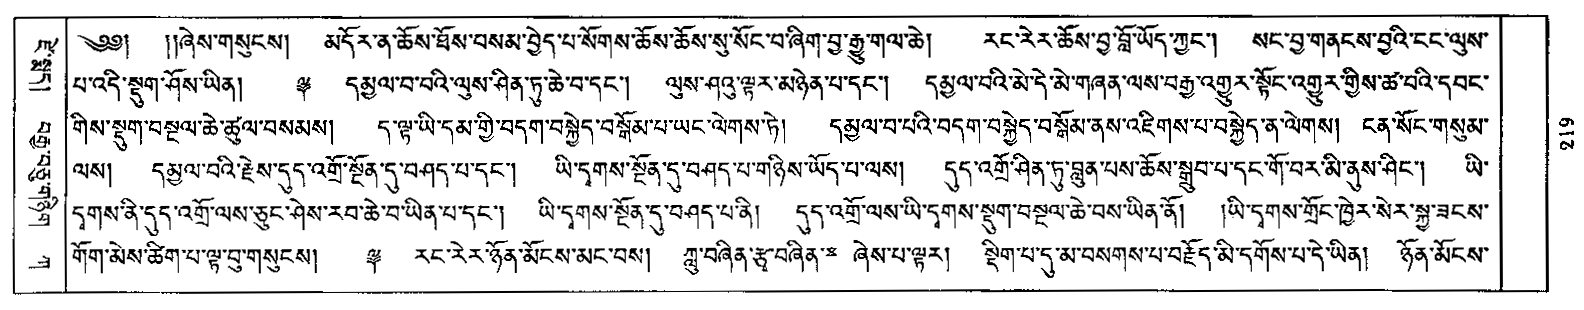༄༅། །།ཞེས་གསུངས། མདོར་ན་ཆོས་ཐོས་བསམ་བྱེད་པ་སོགས་ཆོས་ཆོས་སུ་སོང་བ་ཞིག་བྱ་རྒྱུ་གལ་ཆེ། རང་རེར་ཆོས་བྱ་བློ་ཡོད་ཀྱང་། སང་བྱ་གནངས་བྱའི་ངང་ལུས་
པ་འདི་སྡུག་ཤོས་ཡིན། ༈ དམྱལ་བ་བའི་ལུས་ཤིན་ཏུ་ཆེ་བ་དང་། ལུས་ཤའུ་ལྟར་མཉེན་པ་དང་། དམྱལ་བའི་མེ་དེ་མེ་གཞན་ལས་བརྒྱ་འགྱུར་སྟོང་འགྱུར་གྱིས་ཚ་བའི་དབང་
གིས་སྡུག་བསྔལ་ཆེ་ཚུལ་བསམས། ད་ལྟ་ཡི་དམ་གྱི་བདག་བསྐྱེད་བསྒོམ་པ་ཡང་ལེགས་ཏེ། དམྱལ་བ་པའི་བདག་བསྐྱེད་བསྒོམ་ནས་འཇིགས་པ་བསྐྱེད་ན་ལེགས། ངན་སོང་གསུམ་
ལས། དམྱལ་བའི་རྗེས་དུད་འགྲོ་སྔོན་དུ་བཤད་པ་དང་། ཡི་དྭགས་སྔོན་དུ་བཤད་པ་གཉིས་ཡོད་པ་ལས། དུད་འགྲོ་ཤིན་ཏུ་བླུན་པས་ཆོས་སྒྲུབ་པ་དང་གོ་བར་མི་ནུས་ཤིང་། ཡི་
དྭགས་ནི་དུད་འགྲོ་ལས་ཅུང་ཤེས་རབ་ཆེ་བ་ཡིན་པ་དང་། ཡི་དྭགས་སྔོན་དུ་བཤད་པ་ནི། དུད་འགྲོ་ལས་ཡི་དྭགས་སྡུག་བསྔལ་ཆེ་བས་ཡིན་ནོ། །ཡི་དྭགས་གྲོང་ཁྱེར་སེར་སྐྱ་ཟངས་
གོག་མེས་ཚིག་པ་ལྟ་བུ་གསུངས། ༈ རང་རེར་ཉོན་མོངས་མང་བས། ཀླུ་བཞིན་རྩྭ་བཞིན་ཞེས་པ་ལྟར། སྡིག་པ་དུ་མ་བསགས་པ་བརྗོད་མི་དགོས་པ་དེ་ཡིན། ཉོན་མོངས་